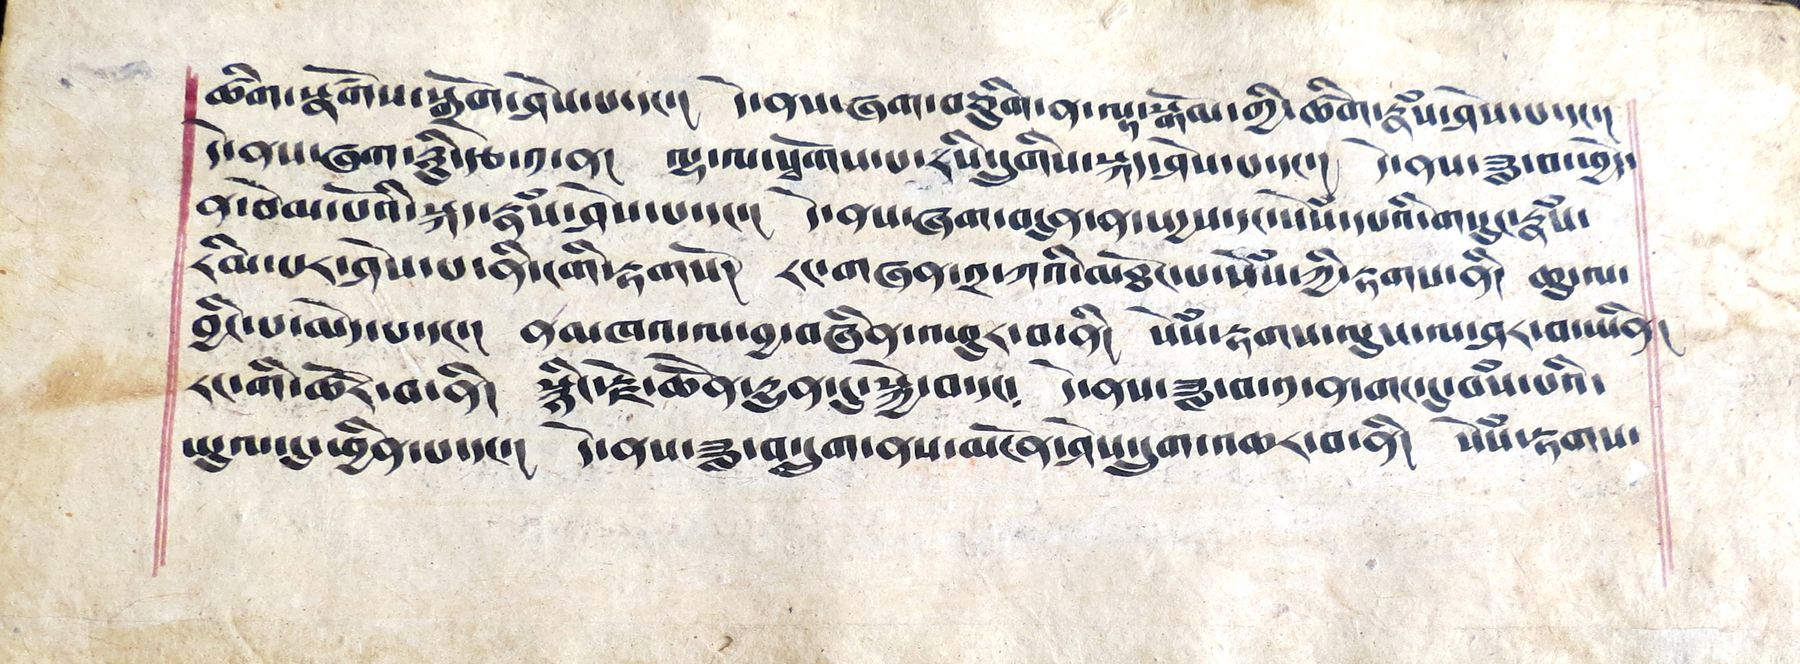ཚིག་སྣ་ཚོགས་ཤེས་པ་དང་། དེ་ནས་ཞག་བཅུ་གཅིག་ནས་ལྟ་སྒོམ་གྱི་ཚིག་རྣམས་ཤེས་པ་དང་། ། 
དེ་ནས་ཉི་ཤུ་རྩ་གཅིག་ན། ལྷ་ལས་སོགས་པའི་རིགས་དྲུག་གི་སྐད་ཤེས་པ་དང་། དེ་ནས་ཟླ་བ་ཕྱེད་
ན། བེམ་པོའི་སྐད་རྣམས་ཤེས་པ་དང་། དེ་ནས་ཞག་བདུན་ན། སངས་རྒྱས་དང་སེམས་དཔའི་གསུང་རྣམས་
རིམ་པར་ཤེས་པ་ནི། ངག་གི་གྲུབ་རྟགས་སོ། །རང་གཞན་གཉིས་ཀས་མཐོང་བའི་སེམས་ཀྱི་རྟགས་ནི། ཆུ་ལ་
བྱིང་བ་མེད་པ་དང་། ནམ་མཁའ་ལ་བྱ་བཞིན་འཕུར་བ་ནི། སེམས་རྟགས་ལུས་ལ་ཤར་བ་ཡིན་ནོ། །
རང་གི་ཚོར་པ་ནི། སྙིང་རྗེ་ཆེན་པོ་རྒྱུན་དུ་སྐྱེ་བ་དང་། དེ་ནས་ཟླ་བ་གཅིག་ནས། གང་དུ་བསམ་པའི་
ཡུལ་དུ་ཕྱིན་པ་དང་། དེ་ནས་ཟླ་བ་དྲུག་ནས་མངོན་ཤེས་དྲུག་འཆར་བ་ནི། སེམས་རྟགས་